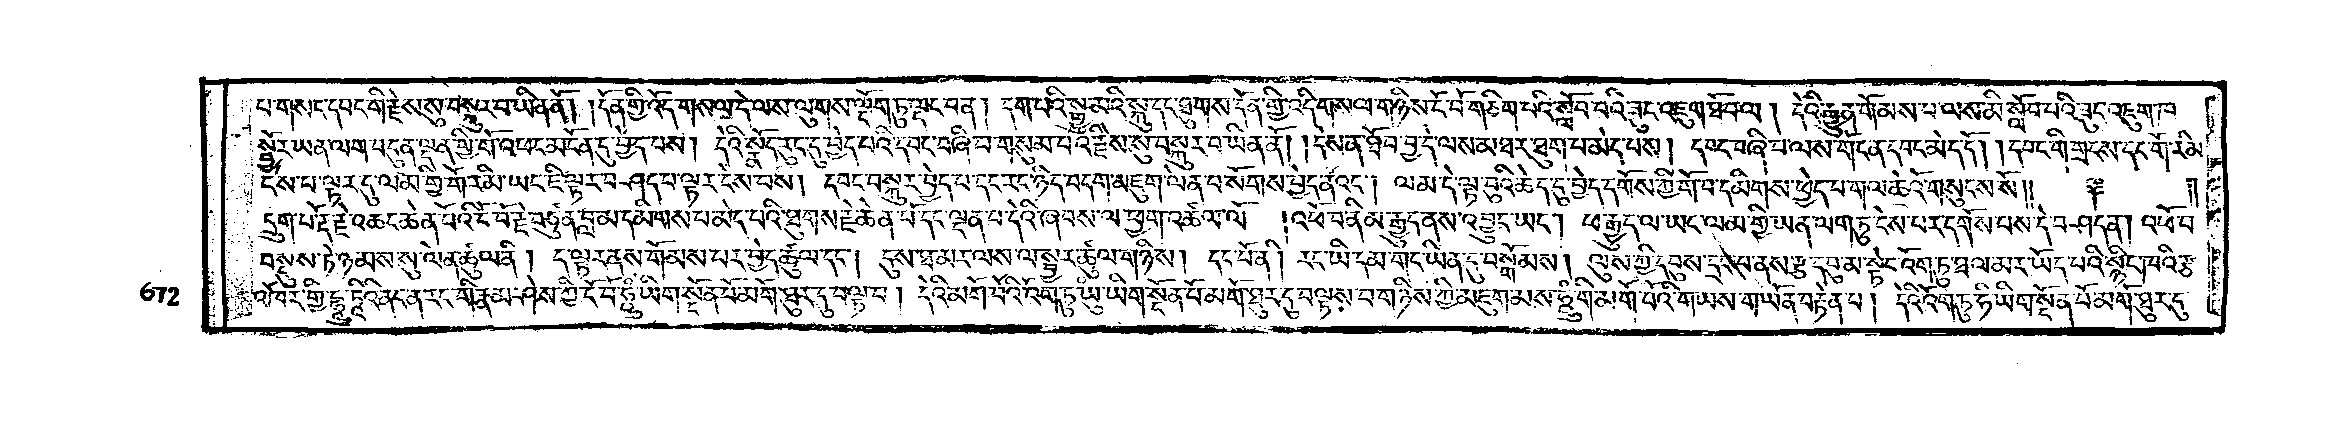པ་གསང་དབང་གི་རྗེས་སུ་བསྐུར་བ་ཡིན་ནོ། །དོན་གྱི་འོད་གསལ་དེ་ལས་ལུགས་ལྡོག་ཏུ་ལྡང་བ་ན། དག་པའི་སྒྱུ་མའི་སྐུ་དང་ཐུགས་དོན་གྱི་འོད་གསལ་གཉིས་ངོ་བོ་གཅིག་པའི་སློབ་པའི་ཟུང་འཇུག་ཐོབ་ལ། དེའི་རྒྱུན་གོམས་པ་ལས་མི་སློབ་པའི་ཟུང་འཇུག་ཁ་
སྦྱོར་ཡན་ལག་བདུན་ལྡན་གྱི་གོ་འཕང་མངོན་དུ་བྱེད་པས། དེའི་སྣོད་རུང་དུ་བྱེད་པའི་དབང་བཞི་པ་གསུམ་པའི་རྗེས་སུ་བསྐུར་བ་ཡིན་ནོ། །དེས་ན་ཐོབ་བྱ་དེ་ལས་མཐར་ཐུག་པ་མེད་པས། དབང་བཞི་པ་ལས་གོང་ན་དབང་མེད་དོ། །དབང་གི་གྲངས་དང་གོ་རིམ་
ངེས་པ་ལྟར་དུ་ལམ་གྱི་གོ་རིམ་ཡང་ཇི་ལྟར་བཤད་པ་ལྟར་ངེས་པས། དབང་བསྐུར་བྱེད་པ་དང་རང་ཉིད་བདག་མཇུག་ལེན་པ་སོགས་བྱེད་ནའང་། ལམ་དེ་ལྟ་བུའི་ཆེད་དུ་བྱེད་དགོས་ཀྱི་གོ་བ་དམིགས་ཕྱེད་པ་གལ་ཆེའོ་གསུངས་སོ།། ༈ །
དྲུག་པ་རྡོ་རྗེ་འཆང་ཆེན་པོའི་ངོ་བོ་རྗེ་བཙུན་བླ་མ་དམིགས་པ་མེད་པའི་ཐུགས་རྗེ་ཆེན་པོ་དང་ལྡན་པ་དེའི་ཞབས་ལ་ཕྱག་འཚལ་ལོ། །འཕོ་བ་ནི་མ་རྒྱུད་ནས་འབྱུང་ཡང་། ཕ་རྒྱུད་ལ་ཡང་ལམ་གྱི་ཡན་ལག་ཏུ་ངེས་པར་དགོས་པས་དེ་བཤད་ན། འཕོ་བ་
བསྡུས་ཏེ་ཉམས་སུ་ལེན་ཚུལ་ནི། ད་ལྟར་ནས་གོམས་པར་བྱེད་ཚུལ་དང་། དུས་ཐ་མར་ལས་ལ་སྦྱར་ཚུལ་གཉིས། དང་པོ་ནི། རང་ཡེ་དམ་གང་ཡིན་དུ་བསྒོམས། ལུས་ཀྱི་དབུས་དྲང་པོ་ནས་རྩ་དབུ་མ་སྟེང་འོག་ཏུ་ཐལ་མར་ཡོད་པའི་སྙིང་ཁའི་རྩ་
འཁོར་གྱི་དྷཱུ་ཏཱིའི་ནང་ན་རང་གི་རྣམ་ཤེས་ཀྱི་ངོ་བོ་ཧཱུཾ་ཡིག་སྔོན་པོ་མགོ་ཐུར་དུ་བལྟ་བ། དེའི་མགོ་བོའི་འོག་ཏུ་ཡུཾ་ཡིག་སྔོན་པོ་མགོ་ཐུར་དུ་བལྟས་པ་གཉིས་ཀྱི་མཇུག་མས་ཧཱུཾ་གི་མགོ་བོའི་གཡས་གཡོན་བརྟེན་པ། དེའི་འོག་ཏུ་ཧི་ཡིག་སྔོན་པོ་མགོ་ཐུར་དུ་